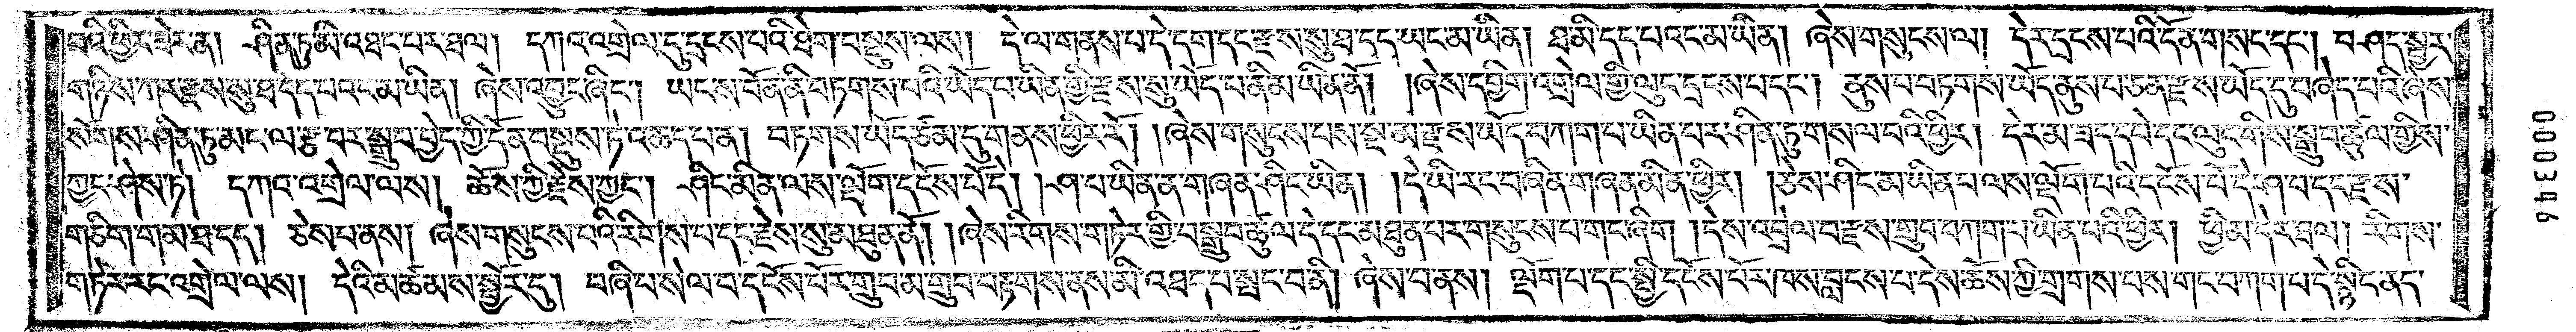བའི་ཕྱིར་ཟེར་ན། ཤིན་ཏུ་མི་འཐད་པར་ཐལ། དཀའ་འགྲེལ་དུ་དྲངས་པའི་ཐེག་བསྡུས་ལས། དེ་ལ་གནས་པ་དེ་དག་དང་རྫས་སུ་ཐ་དད་ཡང་མ་ཡིན། ཐ་མི་དད་པའང་མ་ཡིན། ཞེས་གསུངས་ལ། དེར་དྲངས་པའི་དོན་གསང་དང་། བཤད་སྦྱར་
གཉིས་ཀར་རྫས་སུ་ཐ་དད་པའང་མ་ཡིན། ཞེས་འབྱུང་ཞིང་། ཡང་ས་བོན་ནི་བཏགས་པའི་ཡོད་པ་ཡིན་གྱི་རྫས་སུ་ཡོད་པ་ནི་མ་ཡིན་ནོ། །ཞེས་དབྱིག་འགྲེལ་གྱི་ལུང་དྲངས་པ་དང་། ནུས་པ་བཏགས་ཡོད་ནུས་པ་ཅན་རྫས་ཡོད་དུ་བཞེད་པའི་ཞེས་
སོགས་ཤིན་ཏུ་མང་ལ་རྩ་བར་སྒྲུབ་བྱེད་ཀྱི་དོན་བསྡུས་ཏེ་འཆད་པ་ན། བཏགས་ཡོད་ཙམ་དུ་གནས་ཕྱིར་རོ། །ཞེས་གསུངས་པས་སྔ་མ་རྫས་ཡོད་བཀག་པ་ཡིན་པར་ཤིན་ཏུ་གསལ་བའི་ཕྱིར། དེར་མ་ཟད་དཔེ་དང་ལུང་གིས་སྒྲུབ་ཚུལ་གྱིས་
ཀྱང་ཤེས་ཏེ། དཀའ་འགྲེལ་ལས། ཆོས་ཀྱི་རྗེས་ཀྱང་། ཤིང་མིན་ལས་ལྡོག་དངོས་པོ་དེ། །ཤ་བ་ཡིན་ན་གཞན་ཤིང་ཡིན། །དེ་ཡི་རང་བཞིན་གཞན་མིན་ཕྱིར། །ཅེས་ཤིང་མ་ཡིན་པ་ལས་ལྡོག་པའི་དངོས་པོ་དེ་ཤ་པ་དང་རྫས་
གཅིག་གམ་ཐ་དད། ཅེས་པ་ནས། ཞེས་གསུངས་པའི་རིགས་པ་དང་རྗེས་སུ་མཐུན་ནོ། །ཞེས་རིགས་གཏེར་གྱི་བསྒྲུབ་ཚུལ་དེ་དང་མཐུན་པར་གསུངས་པ་གང་ཞིག །དེས་འབྲེལ་བ་རྫས་གྲུབ་བཀག་པ་ཡིན་པའི་ཕྱིར། ཕྱི་མ་དེར་ཐལ། རིགས་
གཏེར་རང་འགྲེལ་ལས། དེའི་མཚམས་སྦྱོར་དུ། བཞི་པ་སེལ་བ་དངོས་པོར་གྲུབ་མ་གྲུབ་བརྟགས་ནས་མི་འཐད་པ་སྤང་བ་ནི། ཞེས་པ་ནས། ལྡོག་པ་དང་སྤྱི་དངོས་པོར་ཁས་བླངས་པ་དེས་ཆོས་ཀྱི་གགས་པས་གང་བཀག་པ་དེ་སྙིང་ནད་